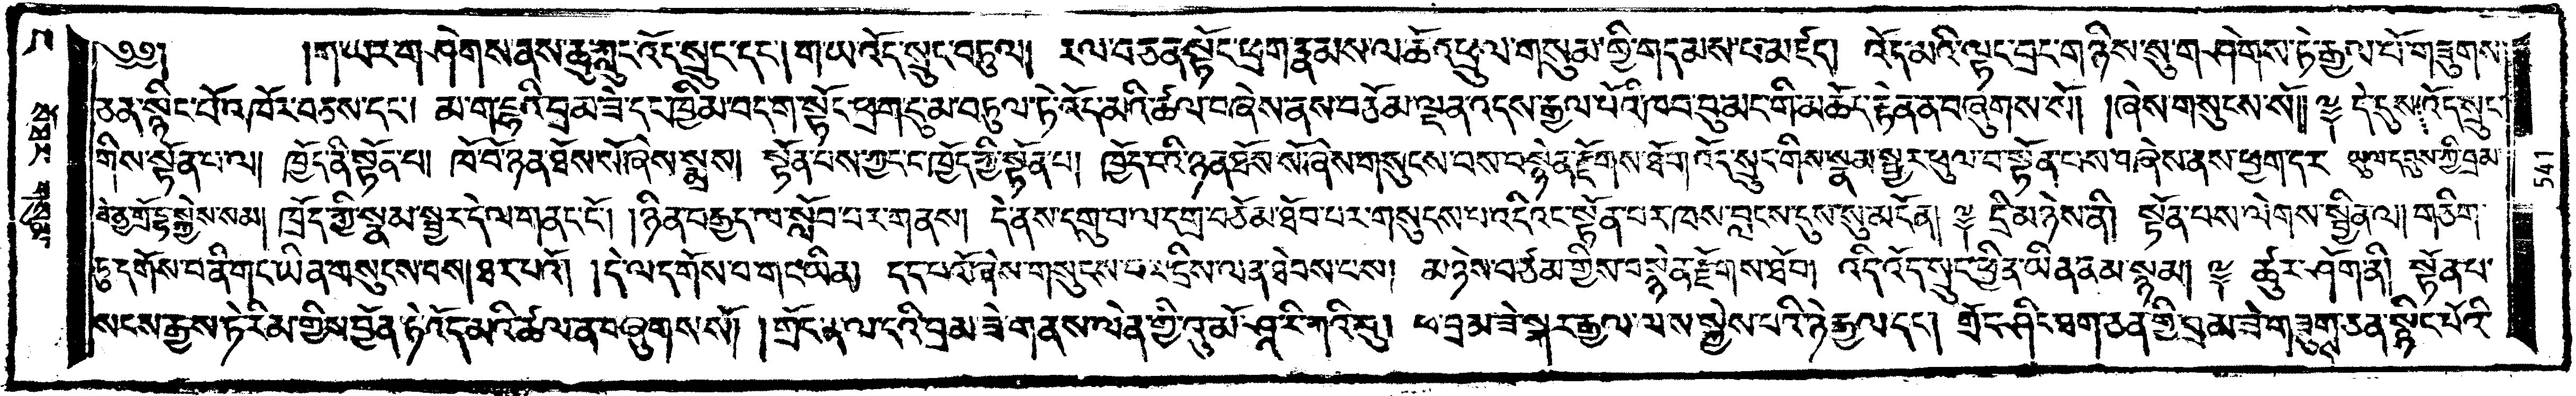༄༅། །ག་ཡར་གཤེགས་ནས་ཆུ་ཀླུང་འོད་སྲུང་དང་། ག་ཡ་འོད་སྲུང་བཏུལ། རལ་བ་ཅན་སྟོང་ཕྲག་རྣམས་ལ་ཆོ་འཕྲུལ་གསུམ་གྱི་གདམས་པ་མཛད། འོད་མའི་ལྟང་བྲང་གཉིས་སུ་གཤེགས་ཏེ་རྒྱལ་བོ་གཟུགས་
ཅན་སྙིང་པོ་འཁོར་བཅས་དང་། མ་ག་དྷའི་བྲམ་ཟེ་དང་ཁྱིམ་བདག་སྟོང་ཕྲག་དུ་མ་བཏུལ་ཏེ་འོད་མའི་ཚལ་བཞེས་ནས་བཅོམ་ལྡན་འདས་རྒྱལ་པོའི་ཁབ་བུ་མང་གི་མཆོད་རྟེན་ན་བཞུགས་སོ། །ཞེས་གསུངས་སོ།། ༈ དེ་དུས་འོད་སྲུང་
གིས་སྟོན་པ་ལ། ཁྱོད་ནི་སྟོན་པ། ཁོ་བོ་ཉན་ཐོས་སོ་ཞེས་སྨྲས། སྟོན་པས་ཀྱང་ང་ཁྱོད་ཀྱི་སྟོན་པ། ཁྱོད་?པའི་ཉན་ཐོས་སོ་ཞེས་གསུངས་བས་བསྙེན་རྫོགས་ཐོབ། འོད་སྲུང་གིས་སྣམ་སྤྱར་ཕུལ་བ་སྟོན་པས་བཞེས་ནས་ཕྱག་དར་ཡུལ་དབུས་ཀྱི་བྲམ་
?བེ་ནྱ་གྲོ་དྷ་སྐྱེས་སམ། ཁྲོད་ཀྱི་སྣམ་སྦྱར་དེ་ལ་གནང་ངོ། །ཉིན་བརྒྱད་ལ་སློབ་པར་གནས། དེ་ནས་དགུ་བ་ལ་དགྲ་བཅོམ་ཐོབ་པར་གསུངས་པ་འདིའང་སྟོན་པར་ཁས་བླངས་དུས་སུ་མངོན། ༈ དྲི་མཉེས་ནི། སྟོན་བས་ལེགས་སྦྱིན་ལ། གཅིག་
ཏུ་དགོས་པ་ནི་གང་ཡིན་གསུངས་པས། ཐར་པའོ། །དེ་ལ་དགོས་པ་གང་ཡིན། དད་པའོ་ཞེས་གསུངས་པ?ར་འདྲིས་ལན་ཐེབས་པས། མཉེས་པ་ཙམ་གྱིས་བསྙེན་རྫོགས་ཐོབ། འདི་འོད་སྲུང་ཕྱིན་ཡིན་ནམ་སྙམ། ༈ ཚུར་ཤོག་ནི། སྟོན་པ་
སངས་རྒྱས་ཏེ་རིམ་གྱིས་བྱོན་ཏེ་འོད་མའི་ཚལ་ན་བཞུགས་སོ། །གྲོང་ན་ལ་ངའི་བྲམ་ཟེ་གནས་ལེན་གྱི་བུ་མོ་ཤཱ་རི་ཀའི་བུ། ཕ་བྲམ་ཟེ་སྐར་རྒྱལ་ལས་སྐྱེས་པའི་ཉེ་རྒྱལ་དང་། གྲོང་ཤིང་ཐག་ཅན་གྱི་བྲམ་ཟེ་གཟུགས་ཅན་སྙིང་པོའི་